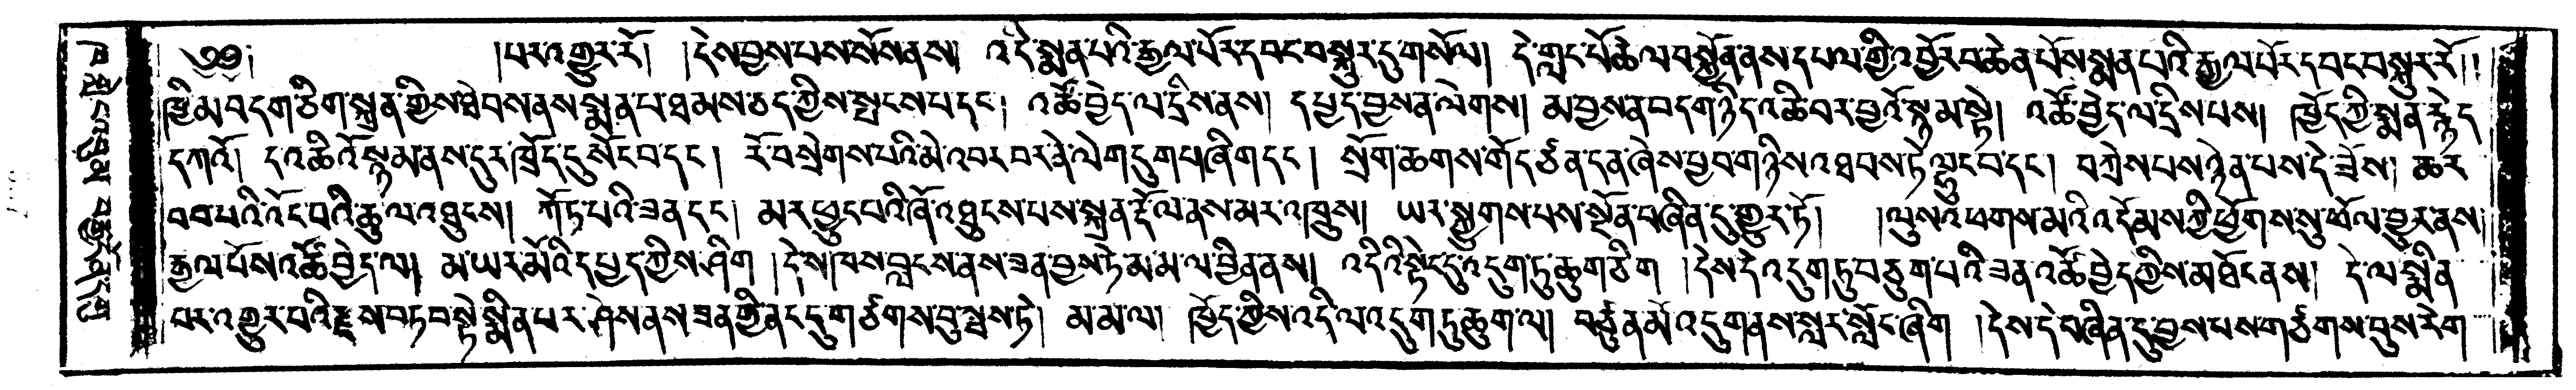༄༅། །པར་འགྱུར་རོ། །དེས་བྱས་པས་སོས་ནས། འདི་སྨན་པའི་རྒྱལ་པོར་དབང་བསྐུར་དུ་གསོལ། དེ་གླང་པོ་ཆེ་ལ་བསྐྱོན་ནས་དཔལ་གྱི་འབྱོར་བ་ཆེན་པོས་སྨན་པའི་རྒྱལ་པོར་དབང་བསྐུར་རོ། །
ཁྱིམ་བདག་ཅིག་སྐྲན་གྱིས་ཐེབས་ནས་སྨན་པ་ཐམས་ཅད་ཀྱིས་སྤངས་པ་དང་། འཚོ་བྱེད་ལ་དྲིས་ནས། དཔྱད་བྱས་ན་ལེགས། མ་བྱས་ན་བདག་ཉིད་འཆི་བར་བྱའོ་སྙམ་སྟེ། འཚོ་བྱེད་ལ་དྲིས་པས། ཁྱོད་ཀྱི་སྨན་རྙེད་
དཀའོ། ད་འཆིའོ་སྙམ་ནས་དུར་ཁྲོད་དུ་སོང་བ་དང་། རོ་བསྲེགས་པའི་མེ་འབར་བར་ནེ་ལེག་གདུག་པ་ཞིག་དང་། སྲོག་ཆགས་གོད་ཙན་དན་ཞེས་བྱ་བ་གཉིས་འཐབས་ཏེ་ལྷུང་བ་དང་། བཀྲེས་པས་ཉེན་པས་དེ་ཟོས། ཆར་
བབ་པའི་འོང་བའི་ཆུ་ལ་འཐུངས། ཀོ་ཏ་པའི་ཟན་དང་། མར་ཕྱུང་བའི་ཞོ་འཐུངས་པས་སྐྲུན་རྡོ་ལ་ནས་མར་འཁྲུས། ཡར་སྐྱུགས་པས་སྔོན་བཞིན་དུ་གྱུར་ཏོ། །ལུས་འཕགས་མའི་འདོམས་ཀྱི་ཕྱོགས་སུ་ཕོལ་བྱུར་ནས་
རྒྱལ་པོས་འཚོ་བྱེད་ལ། མ་ཡར་མོའི་དཔྱད་ཀྱིས་ཤིག །དེས་ཁས་བླངས་ནས་ཟན་བྱས་ཏེ་མ་མ་ལ་བྱིན་ནས། འདིའི་སྟེང་དུ་འདུག་ཏུ་ཆུག་ཅིག །དེས་དེ་འདུག་ཏུ་བཅུག་པའི་ཟན་འཚོ་བྱེད་ཀྱིས་མཐོང་ནས། དེ་ལ་སྨིན་
པར་འགྱུར་པའི་རྫས་བཏབ་སྟེ་སྨིན་པར་ཤེས་ནས་ཟན་གྱི་ནང་དུ་གཙགས་བུ་སྦས་ཏེ། མ་མ་ལ། ཁྱོད་ཀྱིས་འདི་ལ་འདུག་ཏུ་ཆུག་ལ། བཙུན་མོ་འདུག་ནས་སླར་སོང་ཞིག །དེས་དེ་བཞིན་དུ་བྱས་པས་གཙགས་བུས་རེག་